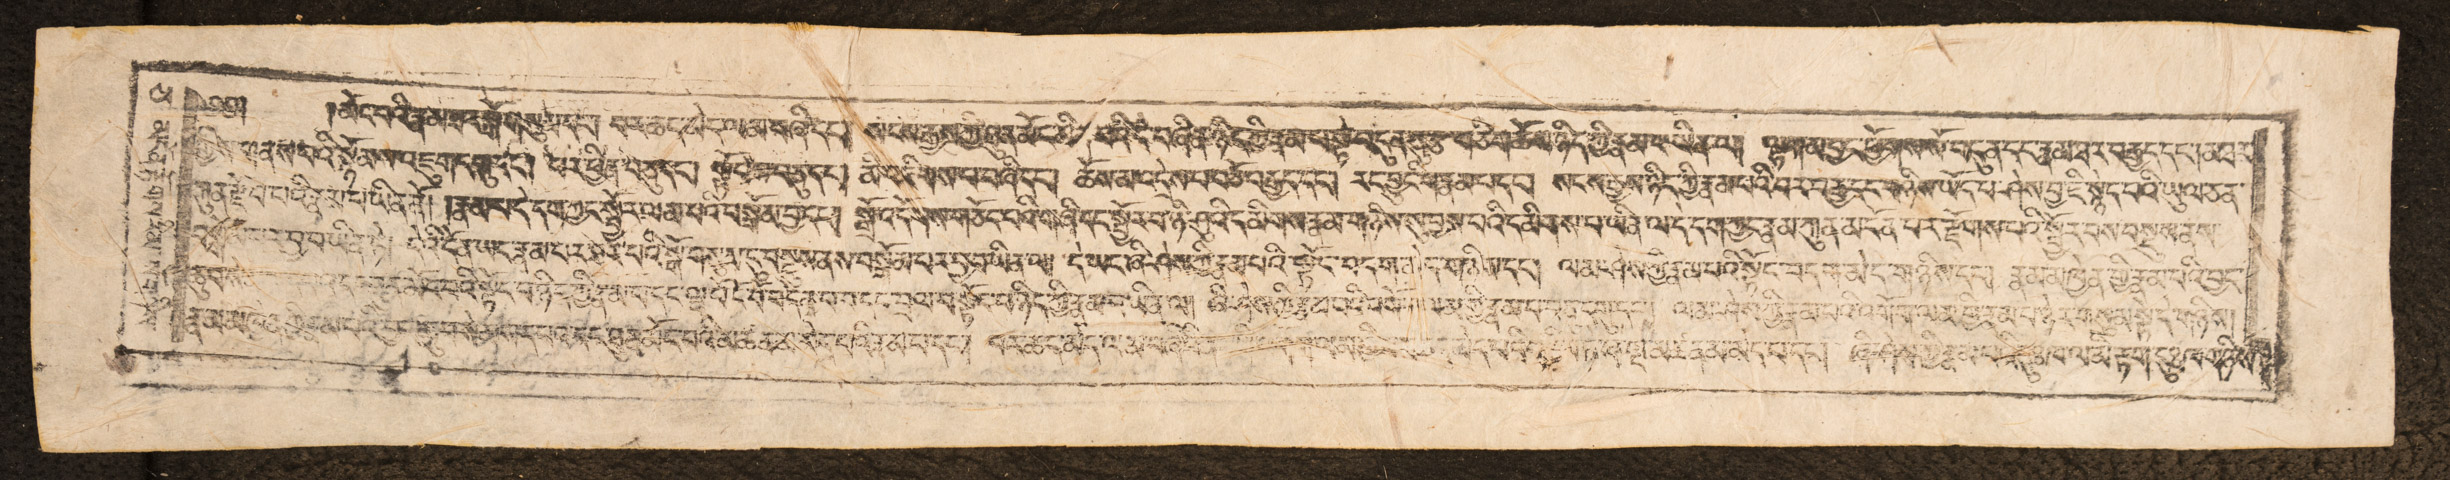༄༅། །མོང་བའི་རྣམ་ཐར་སྒོ་གསུམ་དང་། བར་ཆད་མེད་ལམ་བཞི་དང་། སངས་རྒྱས་ཀྱི་ཐུན་མོང་མིན་པའི་དེ་བཞིན་ཉིད་ཀྱི་རྣམ་པ་སྟེ་བདུན་ཅུ་རྩ་གཅིག་ཆོས་ཉིད་ཀྱི་རྣམ་པ་ཡིན་ལ། ལྷག་མ་བྱང་ཕྱོགས་སོ་བདུན་དང་རྣམ་ཐར་བརྒྱད་དང་། མཐར་
གྱིས་གནས་པའི་སྙོམས་འཇུག་དགུ་དང་། ཕར་ཕྱིན་བཅུ་དང་། སྟོབས་བཅུ་དང་། མི་འཇིགས་པ་བཞི་དང་། ཆོས་མ་འདྲེས་པ་བཅོ་བརྒྱད་དང་། རང་བྱུང་གི་རྣམ་པ་དང་། སངས་རྒྱས་ཉིད་ཀྱི་རྣམ་པའི་བར་བརྒྱ་དང་གཉིས་ཡོད་པ་ཤེས་བྱ་ཇི་སྙེད་པའི་ཡུལ་ཅན་
ཀུན་རྫོབ་པའི་རྣམ་པ་ཡིན་ནོ། །རྣམ་པ་དེ་དག་ཀྱང་སྦྱོར་ལམ་པའི་བསྒོམ་བྱ་དང་། སྒྲོ་འདོགས་གཅོད་པའི་གཞི་དང་སྦྱོར་བ་ཉི་ཤུའི་དམིགས་རྣམ་གཉིས་སུ་བྱས་པའི་དམིགས་པ་ཡིན་ལ་དེ་དག་ཀྱང་རྣམ་ཀུན་མངོན་པར་རྫོགས་པའི་སྦྱོར་བས་བསྡུས་ནས་
བསྒོམ་པར་བྱ་བ་ཡིན་ཏེ། དེའི་དོན་ཡང་རྣམ་པར་ཐར་པའི་སྒོ་གསུམ་དུ་བསྡུས་ནས་བསྒོམ་པར་བྱ་བ་ཡིན་ལ། དེ་ཡང་ཞི་ཤེས་ཀྱི་རྣམ་པའི་སྟོང་བདག་མེད་གཉིས་དང་། ལམ་ཤེས་ཀྱི་རྣམ་པའི་སྟོང་བདག་མེད་གཉིས་དང་། རྣམ་མཁྱེན་གྱི་རྣམ་པའི་བྱང་
ཆུབ་སེམས་དཔའ་དང་ཐུན་མོང་བའི་སྟོང་པ་ཉིད་ཀྱི་རྣམ་པ་དང་ལྔ་པོ་ངོ་བོ་བདེན་པ་བ་དང་བྲལ་བ་སྟོང་པ་ཉིད་ཀྱི་རྣམ་པ་ཡིན་ལ། ཞི་ཤེས་ཀྱི་རྣམ་པའི་འགོག་ལམ་གྱི་རྣམ་པ་བཅུ་དགུ་དང་། ལམ་ཤེས་ཀྱི་རྣམ་པའི་འགོག་ལམ་གྱི་རྣམ་པ་ཉེར་གསུམ་སྟེ་དེ་གཉིས།
རྣམ་མཁྱེན་གྱི་རྣམ་པའི་བྱང་ཆུབ་སེམས་དཔའ་དང་ཐུན་མོང་བའི་མཚན་མ་མེད་པའི་རྣམ་པ་དང་། བར་ཆད་མེད་ལམ་བཞིའི་ནང་གི་འགོག་ལམ་གྱི་བར་ཆད་མེད་པའི་གཉིས་ཏེ་ཞེ་ལྔ་མཚན་མ་མེད་པ་དང་། ཞི་ཤེས་ཀྱི་རྣམ་པའི་དུཿ ཁ་ལ་མི་རྟག་དུཿ ཁ་གཉིས་